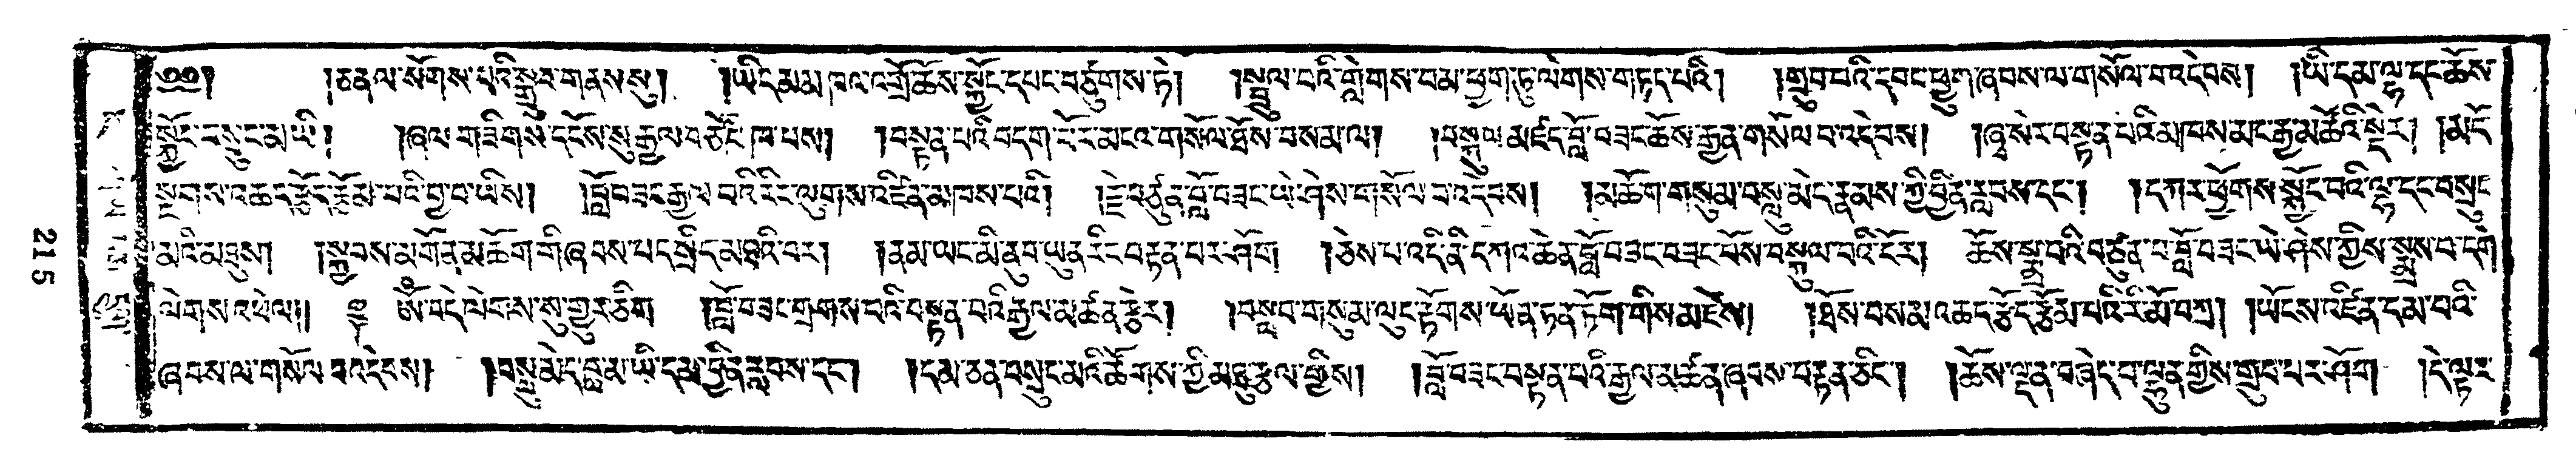༄༅། །ཅན་ལ་སོགས་པའི་སྒྲུབ་གནས་སུ། །ཡིད་མ་མཁའ་འགྲོ་ཆོས་སྐྱོང་དཔང་བཙུགས་ཏེ། །སྦྲུལ་བའི་གླེགས་བམ་ཕྱག་ཏུ་ལེགས་གཏད་པའི། །གྲུབ་པའི་དབང་ཕྱུག་ཞབས་ལ་གསོལ་བ་འདེབས། །ཡི་དམ་ལྷ་དང་ཆོས་
སྐྱོང་བསྲུང་མ་ཡི། །ཞལ་གཟིགས་དངོས་སུ་རྒྱལ་བ་ཙོང་ཁ་པས། །བསྟན་པའི་བདག་པོར་མངའ་གསོལ་ཐོས་བསམ་ལ། །བསྐུལ་མཛད་བློ་བཟང་ཆོས་རྒྱན་གསོལ་བ་འདེབས། །ཞྭ་སེར་བསྟན་པའི་མཁས་མང་རྒྱ་མཚོའི་སྡེར། །མདོ་
སྔགས་འཆད་རྩོད་རྩོམ་པའི་བྱ་བ་ཡིས། །བློ་བཟང་རྒྱལ་བའི་རིང་ལུགས་འཛིན་མཁས་པའི། །རྗེ་བཙུན་བློ་བཟང་ཡེ་ཤེས་གསོལ་བ་འདེབས། །མཆོག་གསུམ་བསླུ་མེད་རྣམས་ཀྱི་བྱིན་རླབས་དང་། །དཀར་ཕྱོགས་སྐྱོང་བའི་ལྷ་དང་བསྲུང་
མའི་མཐུས། །སྐྱབས་མགོན་མཆོག་གི་ཞབས་པད་སྲིད་མཐའི་བར། །ནམ་ཡང་མི་ནུབ་ཡུན་རིང་བརྟན་པར་ཤོག །ཅེས་པ་འདི་ནི་དཀའ་ཆེན་བློ་བཟང་བཟང་པོས་བསྐུལ་བའི་ངོར། ཆོས་སྨྲ་བའི་བཙུན་པ་བློ་བཟང་ཡེ་ཤེས་ཀྱིས་སྨྲས་པ་དགེ་
ལེགས་འཕེལ།། ༈ ཨོཾ་བདེ་ལེགས་སུ་གྱུར་ཅིག །བློ་བཟང་གྲགས་བའི་བསྟན་པའི་རྒྱལ་མཚན་རྩེར། །བསླབ་གསུམ་ལུང་རྟོགས་ཡོན་ཏན་ཏོག་གིས་མཛེས། །ཐོས་བསམ་འཆད་རྩོད་རྩོམ་པའི་རི་མོ་བཀྲ། །ཡོངས་འཛིན་དམ་པའི་
ཞབས་ལ་གསོལ་བ་འདེབས། །བསླུ་མེད་བླ་མ་ཡི་དམ་བྱིན་རླབས་དང་། །དམ་ཅན་བསྲུང་མའི་ཚོགས་ཀྱི་མཐུ་རྩལ་གྱིས། །བློ་བཟང་བསྟན་པའི་རྒྱལ་མཚན་ཞབས་བརྟན་ཅིང་། །ཆོས་ལྡན་བཞེད་པ་ལྷུན་གྱིས་གྲུབ་པར་ཤོག །དེ་ལྟར་